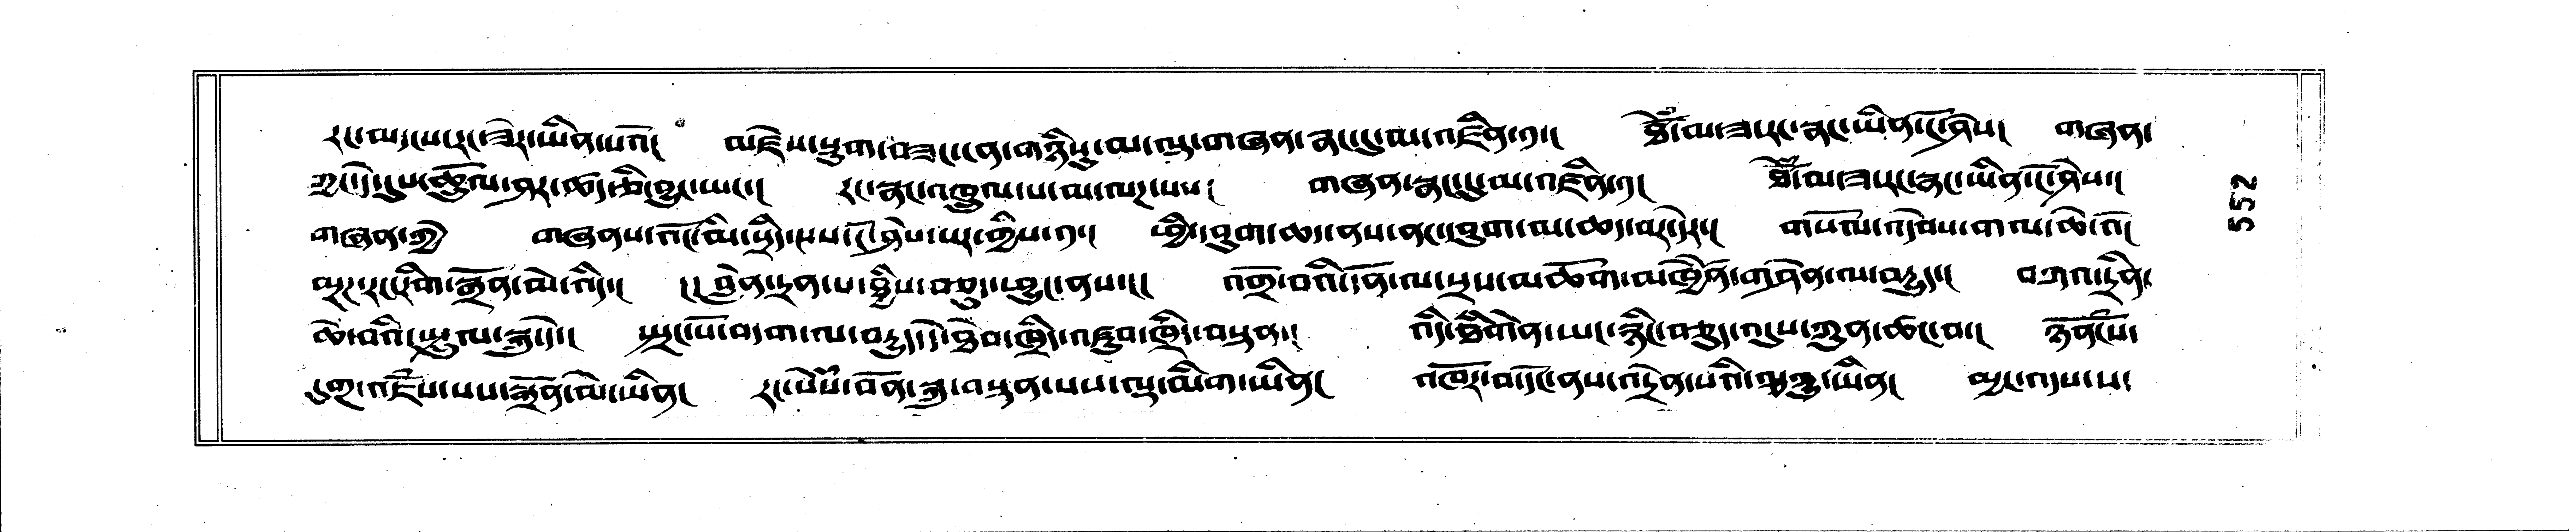རང་མདངས་རང་ཟེར་ཡིན་པའོ། མཛེས་སྡུག་བཟང་ངན་གཉིས་སུ་མ་ལྟ་གཞན་སྣང་དུ་མ་འཛིན་གཅིག ཐེ་ཚོམ་མ་ཟ་རང་སྣང་ཡིན་ངོ་ཤེས། གཞན་
ཀྱང་དེ་དུས་ཆོ་འཕྲུལ་ཤར་ཚད་ཅི་བྱུང་ཡང་། རང་སྣང་འཁྲུལ་པ་མ་ལགས་པས། གཞན་སྣང་དུ་མ་འཛིན་གཅིག ཐེ་ཚོམ་མ་ཟ་རང་སྣང་ཡིན་ངོ་ཤེས 
གཞན་ནས་མི་འོང་སྲིད་པས་ངོ་ཤེས་པར་གྱིས་གཅིག ཕྱི་དབུག་ཆད་ནས་ནང་དབུག་མ་ཆད་བར་དེར། གསོལ་འདེབས་གལ་ཆེའོ།།
’’ མེན་ངག་རང་རིག་སྒྲོན་མ་འདི། བླ་ཆེན་དྲན་པས་ཐུགས་ཀྱིས་བཅུད་ཕྱུང་ནས། འགྲོ་བའི་དོན་ལ་སྲས་མཆོག་མཁྱེན་བརྩེ་གཤེན་ལ་བརྒྱུད། བཀའ་དྲིན་
ཆེ་བའི་སྤྲུལ་སྐུ་དེས། སྤྲང་པོ་གཤེན་སྲས་བདག་ལ་བརྒྱུད་སྟེ། ཐོབ་ཁྲིད་འཛུབ་ཁྲིད་དུ་བསྟན་པའོ། འདི་ཐིག་༼ཐེག༽ཆེན་ཡང་སྙིང་བཅུད་བསྡུས་ཀུན་ཚང་པ། ཉོན་མོངས་
དུག་ལྔ་འཇོམས་པའི་བདུད་རྩི་སྒྲོན་མེ་ཡིན། རང་སེམས་བོན་སྐུ་བསྟན་པའི་ལྡེ་མིག་ཡིན། འཁོར་བ་དོང་ནས་འདྲེན་པའི་ལྕགས་ཀྱུ་ཡིན། (གཡུང་དྲུང་བོན་གྱི་ཡང་སྙིང་འདི། བླ་ཆེན་ཐུགས་ཀྱིས་ཡང་བཅུད་མཁྱེན་བརྩེ་ཚེ་དབང་ལ་བརྒྱུད། མཁྱེན་བརྩེའི་སྤྲང་པོ་གཤེན་སྲས་བརྒྱུད། གཤེན་སྲས་ཀྱི་འཚམ་པ་ཚུལ་དྲག་ལ་བརྒྱུད། འཚམས་པས་ཨ་བྷར་སྟོན་པ་ལ་བརྒྱུད། དེ་ལ་བདག་ཤེས་རབ་རྒྱལ་མཚན་གྱིས་ཞུས། རྒྱུད་སྨིན་པར་ཤོག བཀྲ་ཤིས་དཔལ་འབར་འཛམ་གླིང་ཁྱབ་པར་ཤོག དགེའོ། དགེའོ། མུ་ཙུག་སྨར་རོ།)“མྱང་འདས་ས་